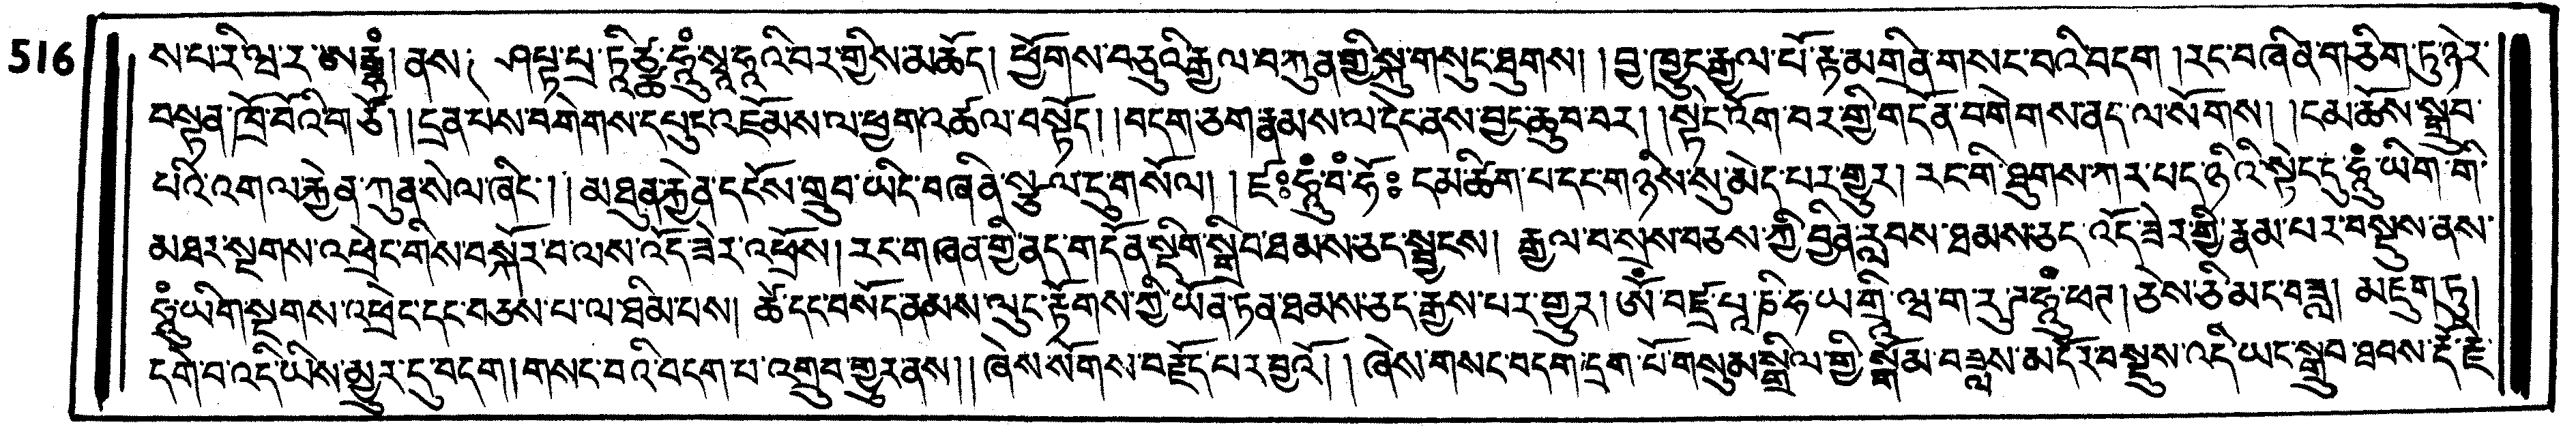ས་པ་རི་ཝ་ར་ཨརྒྷཾ། ནས༑ ཤཔྟ་པྲ་ཏཱི་ཙྪ་ཧཱུཾ་སྭཱ་ཧཱའི་བར་གྱིས་མཆོད། ཕྱོགས་བཅུའི་རྒྱལ་བ་ཀུན་གྱི་སྐུ་གསུང་ཐུགས། །བྱ་ཁྱུང་རྒྱལ་པོ་རྟ་མགྲིན་གསང་བའི་བདག །རང་བཞིན་གཅིག་ཏུ་ཉེར་
བསྟན་འཁྲོ་བོའི་གཙོ། །དྲན་པས་བགེགས་དཔུང་འཇོམས་ལ་ཕྱག་འཚལ་བསྟོད། །བདག་ཅག་རྣམས་ལ་དེང་ནས་བྱང་ཆུབ་བར། །སྟེང་འོག་བར་གྱི་གདོན་བགེགས་ནད་ལ་སོགས། །དམ་ཆོས་སྒྲུབ་
པའི་འགལ་རྐྱེན་ཀུན་སེལ་ཞིང་། །མཐུན་རྐྱེན་དངོས་གྲུབ་ཡིད་བཞིན་སྩལ་དུ་གསོལ། །ཛཿཧཱུཾ་བཾ་ཧོཿ དམ་ཚིག་པ་དང་གཉིས་སུ་མེད་པར་གྱུར། རང་གི་ཐུགས་ཀར་པད་ཉིའི་སྟེང་དུ་ཧཱུཾ་ཡིག་གི་
མཐར་སྔགས་འཕྲེང་གིས་བསྐོར་བ་ལས་འོད་ཟེར་འཕྲོས། རང་གཞན་གྱི་ནད་གདོན་སྡིག་སྒྲིབ་ཐམས་ཅད་སྦྱངས། རྒྱལ་བ་སྲས་བཅས་ཀྱི་བྱིན་རླབས་ཐམས་ཅད་འོད་ཟེར་གྱི་རྣམ་པར་བསྡུས་ནས་
ཧཱུཾ་ཡིག་སྔགས་འཕྲེང་དང་བཅས་པ་ལ་ཐིམ་པས། ཚེ་དང་བསོད་ནམས་ལུང་རྟོགས་ཀྱི་ཡོན་ཏན་ཐམས་ཅད་རྒྱས་པར་གྱུར། ཨོཾ་བཛྲ་པཱ་ཎི་ཧ་ཡ་གྲཱི་ཝ་ག་རུ་ཌ་ཧཱུཾ་ཕཊ། ཅེས་ཅི་མང་བཟླ། མཇུག་ཏུ།
དགེ་བ་འདི་ཡིས་མྱུར་དུ་བདག །གསང་བའི་བདག་པ་འགྲུབ་གྱུར་ནས། །ཞེས་སོགས་བརྗོད་པར་བྱའོ། །ཞེས་གསང་བདག་དྲག་པོ་གསུམ་སྒྲིལ་གྱི་སྒོམ་བཟླས་མདོར་བསྡུས་འདི་ཡང་སྒྲུབ་ཐབས་རྡོ་རྗེ་